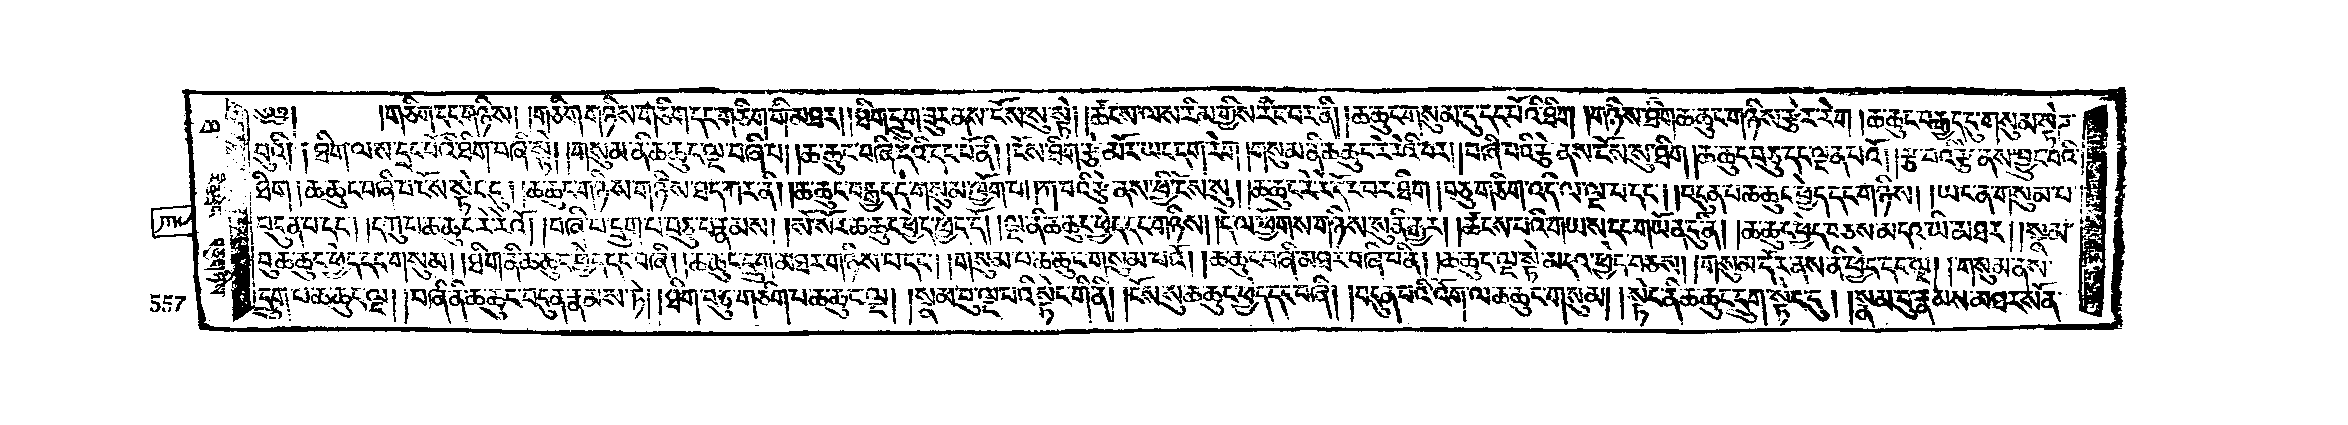༄༅། །གཅིག་དང་གཉིས། །གཅིག་གཉིས་གཅིག་དང་གཅིག་གི་མཐར། །ཐིག་དྲུག་ཟུར་ནས་ངོས་སུ་སྟེ། །ཚངས་ལས་རིམ་གྱིས་རིང་བར་ནི། །ཆ་ཆུང་གསུམ་དུ་དང་པོའི་ཐིག །གཉིས་ཐིག་ཆ་ཆུང་གཉིས་རྩེར་རེག །ཆ་ཆུང་བརྒྱད་དུ་གསུམ་སྟེགས་
བུའི། །ཐིག་ལས་དྲང་པོའི་ཐིག་བཞི་སྟེ། །གསུམ་ནི་ཆ་ཆུང་ལྔ་བཞི་པ། །ཆ་ཆུང་བཞི་དེའི་དང་པོ་ནི། །ངོས་ཐིག་རྩེ་མོར་ཡང་དག་རེག །གསུམ་ནི་ཆ་ཆུང་རེ་རེའི་བར། །བཞི་པའི་རྩེ་ནས་ངོས་སུ་ཐིག །ཆ་ཆུང་བཅུ་དང་ལྡན་པའོ། །རྩ་བའི་རྩེ་ནས་བྱུང་བའི་
ཐིག །ཆ་ཆུང་བཞི་པ་ངོས་སྟེང་དུ། །ཆ་ཆུང་གཉིས་གཉིས་ཐད་ཀར་ནི། །ཆ་ཆུང་བརྒྱད་དེ་གསུམ་ཁྱོག་པ། །ཀ་བའི་རྩེ་ནས་ཕྱི་ངོས་སུ། །ཆ་ཆུང་རེ་རེ་དོར་བར་ཐིག །བཅུ་གཅིག་འདི་ལ་ལྔ་པ་དང་། །བདུན་པ་ཆ་ཆུང་ཕྱེད་དང་གཉིས། །ཡང་ན་གསུམ་པ་
བདུན་པ་དང་། །དགུ་པ་ཆ་ཆུང་རེ་རེའོ། །བཞི་པ་དྲུག་པ་བཅུ་པ་རྣམས། །སོ་སོར་ཆ་ཆུང་ཕྱེད་ཕྱེད་དོ། །ལྔ་ནི་ཆ་ཆུང་ཕྱེད་དང་གཉིས། །དེ་ལ་ཕྱོགས་གཉིས་སུ་ནི་རྒྱར། །ཚངས་པའི་གཡས་དང་གཡོན་དུ་ནི། །ཆ་ཆུང་ཕྱེད་བཅས་མདའ་ཡི་མཐར། །སྣམ་
བུ་ཆ་ཆུང་ཕྱེད་དང་གསུམ། །ཐིག་ནི་ཆ་ཆུང་ཕྱེད་དང་བཞི། །ཆ་ཆུང་དྲུག་མཐར་གཉིས་པ་དང་། །གསུམ་པ་ཆ་ཆུང་གསུམ་པའོ། །ཆ་ཆུང་བཞི་མཐར་བཞི་པ་ནི། །ཆ་ཆུང་ལྔ་སྟེ་མདའ་ཕྱེད་བཅས། །གསུམ་དོར་ནས་ནི་ཕྱེད་དང་ལྔ། །གསུམ་ནས་
དྲུག་པ་ཆ་ཆུང་ལྔ། །བཞི་ནི་ཆ་ཆུང་བདུན་རྣམས་ཏེ། །ཐིག་བཅུ་གཅིག་པ་ཆ་ཆུང་ལྔ། །སྣམ་བུ་ལྔ་པའི་སྟེང་གི་ནི། །ངོས་སུ་ཆ་ཆུང་ཕྱེད་དང་བཞི། །བདུན་པའི་འོག་ལ་ཆ་ཆུང་གསུམ། །སྟེང་ནི་ཆ་ཆུང་དྲུག་སྟེང་དུ། །སྣམ་བུ་རྣམས་མཐར་སོན་